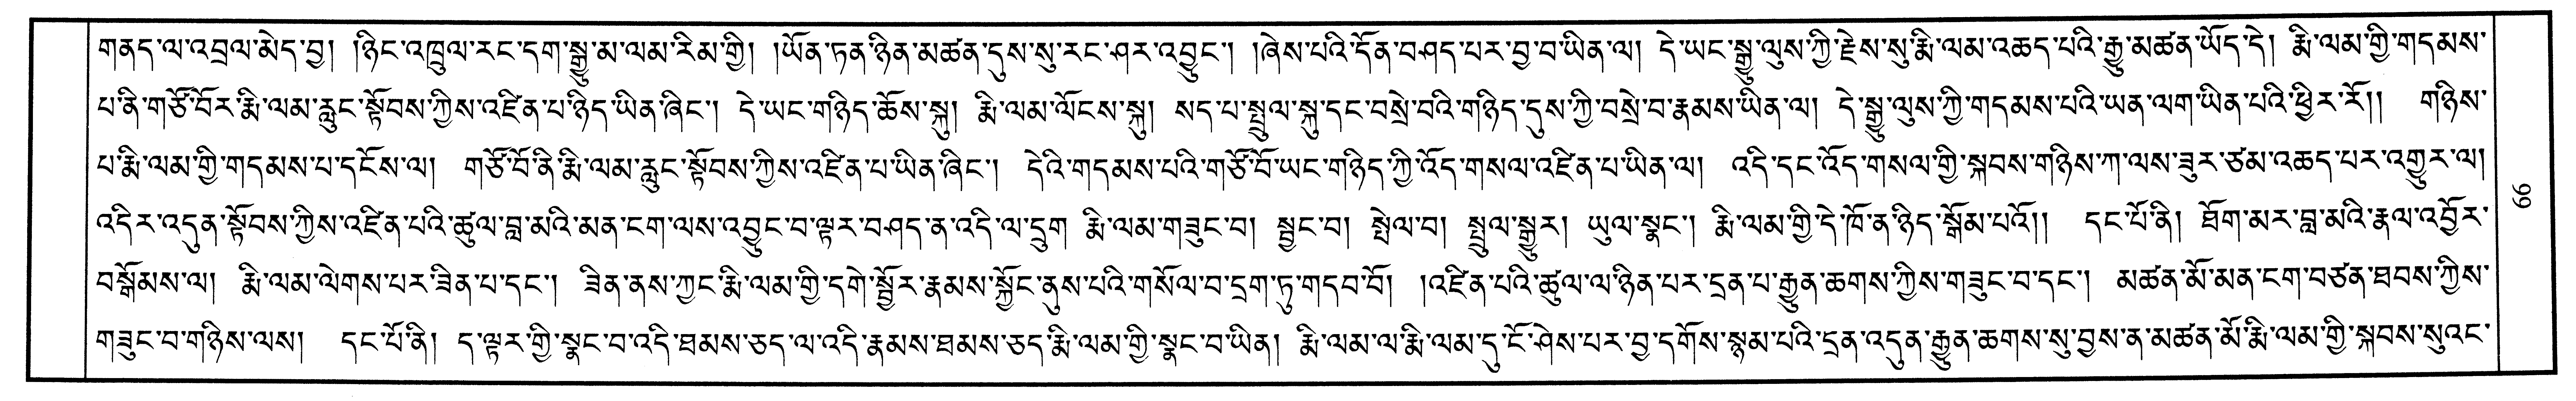གནད་ལ་འབྲལ་མེད་བྱ། །ཉིང་འཁྲུལ་རང་དག་སྒྱུ་མ་ལམ་རིམ་གྱི། །ཡོན་ཏན་ཉིན་མཚན་དུས་སུ་རང་ཤར་འབྱུང་། །ཞེས་པའི་དོན་བཤད་པར་བྱ་བ་ཡིན་ལ། དེ་ཡང་སྒྱུ་ལུས་ཀྱི་རྗེས་སུ་རྨི་ལམ་འཆད་པའི་རྒྱུ་མཚན་ཡོད་དེ། རྨི་ལམ་གྱི་གདམས་
པ་ནི་གཙོ་བོར་རྨི་ལམ་རླུང་སྟོབས་ཀྱིས་འཛིན་པ་ཉིད་ཡིན་ཞིང་། དེ་ཡང་གཉིད་ཆོས་སྐུ། རྨི་ལམ་ལོངས་སྐུ། སད་པ་སྤྲུལ་སྐུ་དང་བསྲེ་བའི་གཉིད་དུས་ཀྱི་བསྲེ་བ་རྣམས་ཡིན་ལ། དེ་སྒྱུ་ལུས་ཀྱི་གདམས་པའི་ཡན་ལག་ཡིན་པའི་ཕྱིར་རོ།། གཉིས་
པ་རྨི་ལམ་གྱི་གདམས་པ་དངོས་ལ། གཙོ་བོ་ནི་རྨི་ལམ་རླུང་སྟོབས་ཀྱིས་འཛིན་པ་ཡིན་ཞིང་། དེའི་གདམས་པའི་གཙོ་བོ་ཡང་གཉིད་ཀྱི་འོད་གསལ་འཛིན་པ་ཡིན་ལ། འདི་དང་འོད་གསལ་གྱི་སྐབས་གཉིས་ཀ་ལས་ཟུར་ཙམ་འཆད་པར་འགྱུར་ལ།
འདིར་འདུན་སྟོབས་ཀྱིས་འཛིན་པའི་ཚུལ་བླ་མའི་མན་ངག་ལས་འབྱུང་བ་ལྟར་བཤད་ན་འདི་ལ་དྲུག །རྨི་ལམ་གཟུང་བ། སྦྱང་བ། སྤེལ་བ། སྤྲུལ་སྒྱུར། ཡུལ་སྣང་། རྨི་ལམ་གྱི་དེ་ཁོ་ན་ཉིད་སྒོམ་པའོ།། དང་པོ་ནི། ཐོག་མར་བླ་མའི་རྣལ་འབྱོར་
བསྒོམས་ལ། རྨི་ལམ་ལེགས་པར་ཟིན་པ་དང་། ཟིན་ནས་ཀྱང་རྨི་ལམ་གྱི་དགེ་སྦྱོར་རྣམས་སྐྱོང་ནུས་པའི་གསོལ་བ་དྲག་ཏུ་གདབ་བོ། །འཛིན་པའི་ཚུལ་ལ་ཉིན་པར་དྲན་པ་རྒྱུན་ཆགས་ཀྱིས་གཟུང་བ་དང་། མཚན་མོ་མན་ངག་བཙན་ཐབས་ཀྱིས་
གཟུང་བ་གཉིས་ལས། དང་པོ་ནི། ད་ལྟར་གྱི་སྣང་བ་འདི་ཐམས་ཅད་ལ་འདི་རྣམས་ཐམས་ཅད་རྨི་ལམ་གྱི་སྣང་བ་ཡིན། རྨི་ལམ་ལ་རྨི་ལམ་དུ་ངོ་ཤེས་པར་བྱ་དགོས་སྙམ་པའི་དྲན་འདུན་རྒྱུན་ཆགས་སུ་བྱས་ན་མཚན་མོ་རྨི་ལམ་གྱི་སྐབས་སུའང་